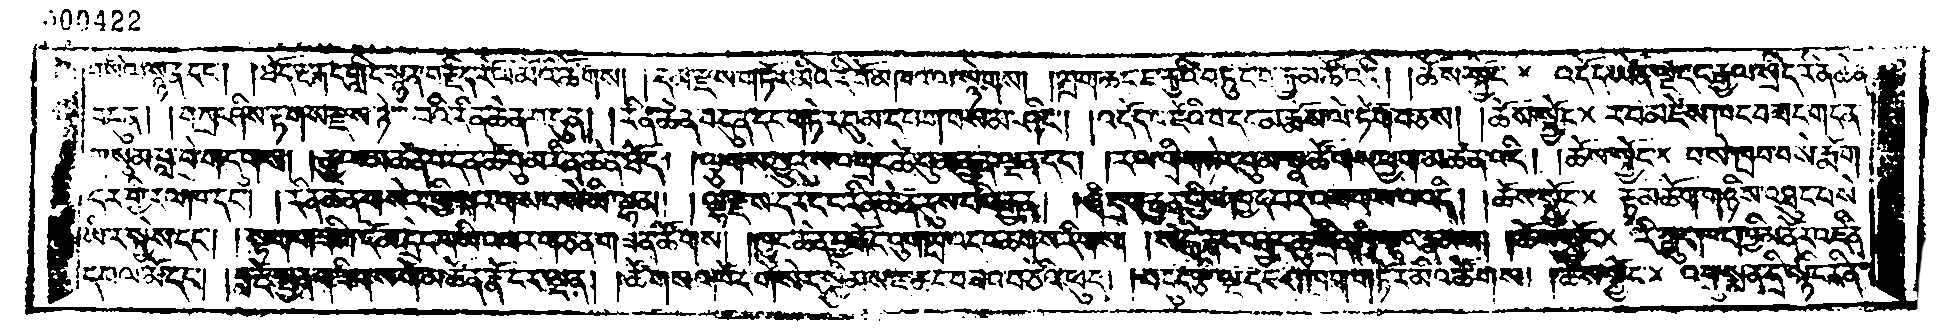བསིལ་སྙན་དང་། །ཐོད་རྔ་རྐང་གླིང་སྙན་བརྗིད་རོལ་མོའི་ཚོགས། །དམ་རྫས་གཏོར་མའི་རི་བོ་མཁའ་ལ་སྙེགས། །ཁྲག་ཆང་ཇ་རྒྱའི་བཏུང་བ་རྒྱ་མཚོ་འདི། །ཆོས་སྐྱོང྾་འདོད་ཡོན་ལྔ་དང་རྒྱལ་སྲིད་རིན་ཆེན་
བདུན། །བཀྲ་ཤིས་རྟགས་རྫས་ཉེ་བའི་རིན་ཆེན་བདུན། །རིན་ཆེན་བདུན་དང་གཏེར་བུམ་དཔག་བསམ་ཤིང་། །འདོད་འཇོའི་བ་དང་མ་རྨོས་ལོ་ཏོག་བཅས། །ཆོས་སྐྱོང྾་རབ་མཛེས་ཁང་བཟང་གདན་
གསུམ་བླ་བྲེ་གདུགས། །རྒྱལ་མཚན་བ་དན་ཚེ་བུམ་རིན་ཆེན་ཐོད། །ལྕགས་ཀྱུ་རུས་འཕྲེང་ཚེ་བུམ་རྒྱན་ལྡན་དང་། །རལ་གྲི་གཏེར་བུམ་སྣ་ཚོགས་ཕྱག་མཚན་འདི། །ཆོས་སྐྱོང྾་བསེ་ཁྲབ་བསེ་རྨོག་
དར་གྱི་རལ་ཁ་དང་། །རིན་ཆེན་གསེར་གྱི་སྐ་རག་བསེ་ཡི་ལྷམ། །ལྷ་རྫས་དར་དང་རིན་ཆེན་རུས་པའི་རྒྱན། །ཞི་དྲག་རྒྱན་གྱིས་ཁྱད་པར་འཕགས་པ་འདི། །ཆོས་སྐྱོང྾་རྟ་མཆོག་གཉིས་འཐུང་བསེ་
ཡི་ར་སྐྱེས་དང་། །སྟག་གཟིག་དོམ་དྲེད་གཡི་འཕར་གཅན་གཟན་ཚོགས། །ཁྱུང་ཆེན་བྱ་རྒོད་འུག་ཁྲ་འདབ་ཆགས་རིགས། །སེངྒེ་རྐང་བརྒྱད་ཆུ་སྲིན་ཁྲི་སྙམ་རྣམས། །ཆོས་སྐྱོང྾་རི་ཀླུང་ཁང་ཁྱིམ་ནོར་འཛིན་
དཔལ་མོ་དང་། །བླ་རྡོ་སྤྱན་གཟིགས་གོ་མཚོན་རྣོ་ངར་ལྡན། །ཚོགས་འཁོར་གསེར་སྐྱིམས་ཇ་ཆང་བཟའ་བཅའི་ཕུད། །བདུད་རྩི་ལྔ་དང་ཤ་ཁྲག་གཏོར་མའི་ཚོགས། །ཆོས་སྐྱོང྾་འབྲུ་སྨན་དྲི་སྙིང་རིན་